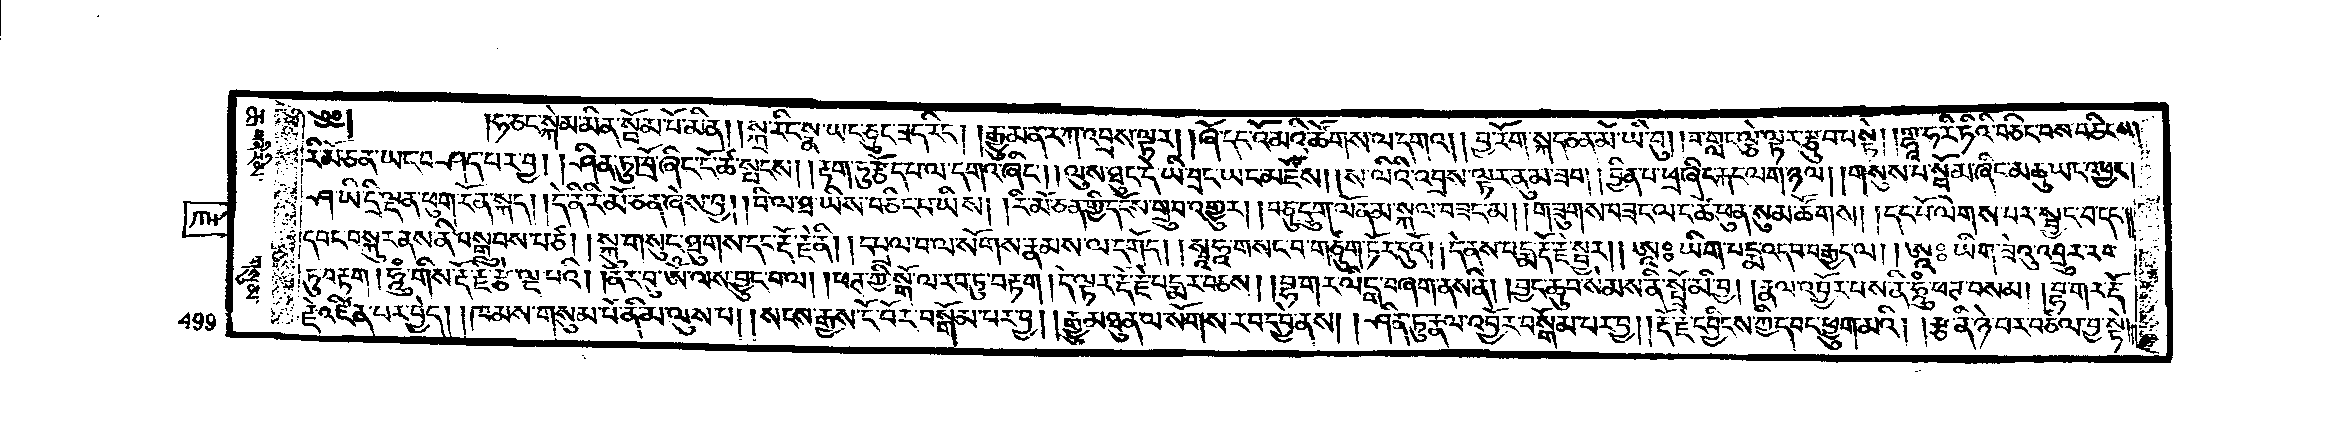༄༅། །ཧ་ཅང་སྐེམ་མིན་སྦོམ་པོ་མིན། །སྐྲ་རིང་སྣ་ཡང་ཅུང་ཟད་རིང་། །རྒྱུ་མ་ན་ར་ཀ་འབྲས་ལྟར། །ཞོ་དང་འོ་མའི་ཚོགས་ལ་དགའ། །བྱ་རོག་སྐད་ཅན་མོ་ཡི་བུ། །བ་གླང་ལྕེ་ལྟར་རྩུབ་པ་སྟེ། །གྷཱ་ཧ་རི་ཏིའི་བཅིང་བས་བཅིངས། །
རི་མོ་ཅན་ཡང་བཤད་པར་བྱ། །ཤིན་ཏུ་ཁྲོ་ཞིང་ངོ་ཚ་སྤངས། །རྟག་ཏུ་རྩོད་པ་ལ་དགའ་ཞིང་། །ལུས་ཐུང་དེ་ཡི་བྲང་ཡང་མཛེས། །ས་ལིའི་འབྲས་ལྟར་ནུ་མ་ཟབ། །བྱིན་པ་ཕྲ་ཞིང་རྐང་ལག་ཉལ། །གསུས་པ་སྦོམ་ཞིང་མཆུ་ཡང་འཕྱང་། །
ཤ་ཡི་དྲི་ལྡན་ཕུག་རོན་སྐད། །དེ་ནི་རི་མོ་ཅན་ཞེས་བྱ། །བི་ལ་ཐ་ཡིས་བཅིང་པ་ཡིས། །རི་མོ་ཅན་གྱི་དངོས་གྲུབ་འགྱུར། །བཅུ་དྲུག་ལོན་མ་སྐལ་བཟང་མ། །གཟུགས་བཟང་ལང་ཚེ་ཕུན་སུམ་ཚོགས། །དང་པོ་ལེགས་པར་སྦྱང་བ་དང་། །
དབང་བསྐུར་ནས་ནི་བསྒྲུབས་པ་ཙ། །སྐུ་གསུང་ཐུགས་དང་རྡོ་རྗེ་ནི། །དཔྲལ་བ་ལ་སོགས་རྣམས་ལ་དགོད། །སྭཱ་ཧཱ་གསང་བ་གཙུག་ཏོར་དུའོ། །དེ་ནས་པདམ་རྡོ་རྗེ་སྦྱར། །ཨཱཿ ཡིག་པདམ་འདབ་བརྒྱད་ལ། །ཨཱཿ ཡིག་ཟེའུ་འབྲུར་རབ་
ཏུ་བརྟག །ཧཱུཾ་གིས་རྡོ་རྗེ་རྩེ་ལྔ་པའི། །ནོར་བུ་ཨོཾ་ལས་བྱུང་བ་ལ། །ཕཊ་ཀྱི་སྒོ་ལ་རབ་ཏུ་བརྟག །དེ་ལྟར་རྡོ་རྗེ་པདམར་བཅས། །བྷ་གར་ལིངྒ་བཞག་ནས་ནི། །བྱང་ཆུབ་སེམས་ནི་སྤྲོ་མི་བྱ། །རྣལ་འབྱོར་པས་ནི་ཧཱུཾ་ཕཊ་བསམ། །བྷ་གར་རྡོ་
རྗེ་འཛིན་པར་བྱེད། །ཁམས་གསུམ་པོ་ནི་མ་ལུས་པ། །སངས་རྒྱས་ངོ་བོར་བསྒོམ་པར་བྱ། །རྒྱུ་མཐུན་ལ་སོགས་རབ་དབྱེ་ནས། །ཤིན་ཏུ་རྣལ་འབྱོར་བསྒོམ་པར་བྱ། །རྡོ་རྗེ་དབྱིངས་ཀྱི་དབང་ཕྱུག་མའི། །རྩ་ནི་ཉེ་བར་བཙལ་བྱ་སྟེ། །